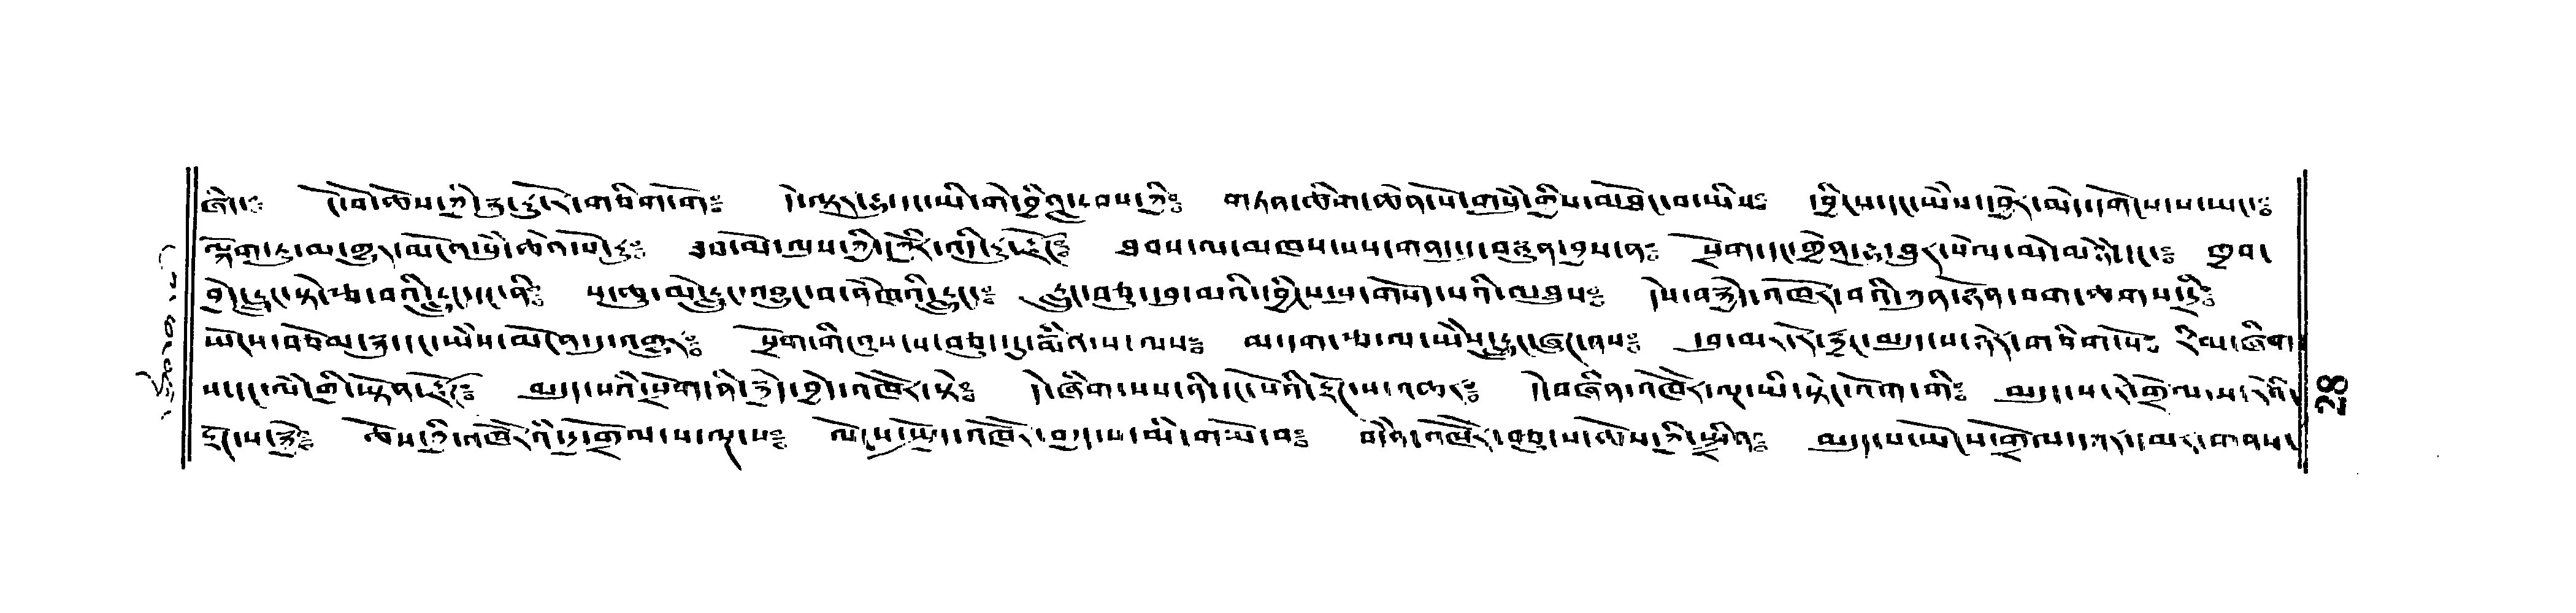ཞིང༔ ངོ་བོ་ཆོས་ཀྱི་སྐུ་རུ་རོ་གཅིག་གོ༔ དེ་ལྟར་རྒྱུ་དང་ཡི་གེ་བྱིན་རླབས་ཀྱི༔ གཏན་ཚིགས་ཆེན་པོ་གསུམ་གྱིས་མཐོང་བ་ཡིས༔ དབྱིངས་དང་ཡེ་ཤེས་དབྱེར་མེད་དགོངས་པ་ཡང༔
ལྐོག་ཏུ་མ་གྱུར་མངོན་སུམ་ཆེན་པོ་རུ༔ ཟབ་མོ་ལུས་ཀྱི་དཀྱིལ་འཁོར་འདི་རུ་རྫོགས༔ ཐབས་ལ་མཁས་པས་གནད་དུ་བསྣུན་བྱས་ན༔ སྲོག་དང་གྱེན་རྒྱུ་ཐུར་སེལ་མེ་མཉམ་དང༔ ཁྱབ་
བྱེད་རླུང་སྟེ་རྩ་བའི་རླུང་དང་ནི༔ ས་ཆུ་མེ་རླུང་འབྱུང་བ་ནམ་མཁའི་རླུང༔ རླུང་བཅུ་དབུ་མའི་དབྱིངས་སུ་གསོད་པའི་མཐུས༔ དེས་བསྐྱེད་འཁོར་བའི་ཀུན་ཉོན་བག་ཆགས་དྲི་
ཡོངས་བཅོམ་སྐུ་དང་ཡེ་ཤེས་མངོན་དུ་འགྱུར་ སྲོག་གི་འུས་ངས་བཅུ་དུ་སྨིན་པ་ལས་ མ་དག་ཙ་ལ་ཡེ་ཤེས་དྲུང་ཞགས་ནས་ དབུ་མར་རོ་རྐྱང་མདུད་པ་ཉེར་གཅིག་པོ༔ རིམ་ཞིག་
ས་དང་ལམ་གྱི་ཡོན་ཏན་རྫོགས༔ མདུད་པའི་སྲོག་ནི་སྐྱེད་བྱེད་འཁོར་ལོ་སྟེ༔ དེ་ཞིག་པས་ནི་དང་པོའི་རྟོགས་པ་འཆར༔ དེ་བཞིན་འཁོར་ལོ་ལྔ་ཡི་སྟེང་འོག་གི༔ མདུད་པ་རེ་གྲོལ་ས་རེའི་
རྟོགས་པ་སྐྱེ༔ ཆོས་ཀྱི་འཁོར་ལོའི་རྒྱ་གྲོལ་ས་ལྔ་པ༔ ལོངས་སྤྱོད་འཁོར་ལོ་བརྒྱད་པ་མི་གཡོ་བ༔ བདེ་ཆེན་འཁོར་ལོ་བཅུ་པ་ཆོས་ཀྱི་སྤྲིན༔ མདུད་པ་ཡོངས་གྲོལ་དཀར་དམར་གནས་